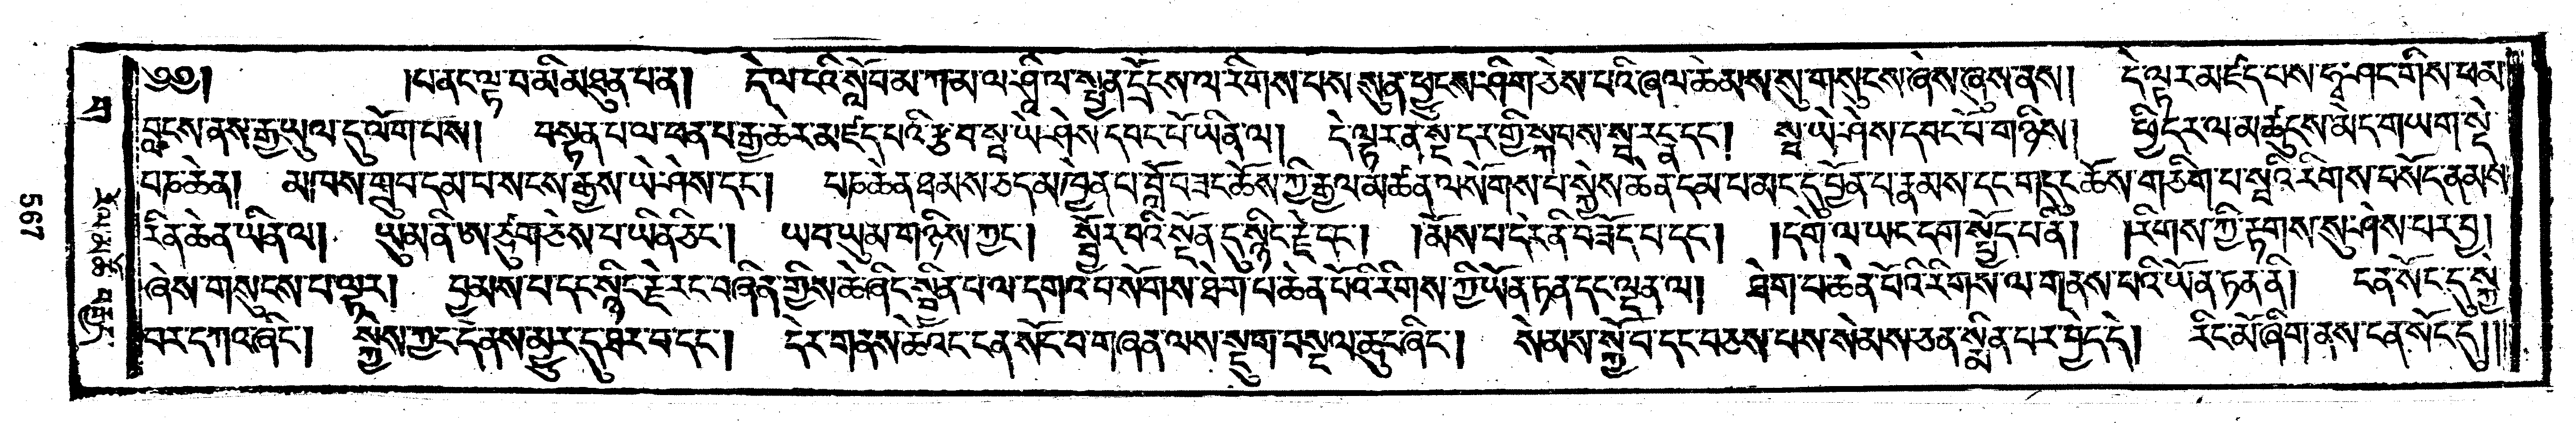༄༅། །པ་ནང་ལྟ་བ་མི་མཐུན་པ་ན། དེ་ལ་ངའི་སློབ་མ་ཀ་མ་ལ་ཤྲཱི་ལ་སྤྱན་དྲོངས་ལ་རིགས་པས་ཀུན་ཕྱུངས་ཤིག་ཅེས་པའི་ཞལ་ཆེམས་སུ་གསུངས་ཞེས་ཞུས་ནས། དེ་ལྟར་མཛད་པས་ཧྭ་ཤང་གིས་ཕམ་
བླངས་ནས་རྒྱ་ཡུལ་དུ་ལོག་པས། བསྟན་པ་ལ་ཕན་པ་རྒྱ་ཆེར་མཛད་པའི་རྩ་བ་སྦ་ཡེ་ཤེས་དབང་པོ་ཡིན་ལ། དེ་ལྟར་ན་སྔར་དར་གྱི་སྐབས་སྦ་རཏྣ་དང་། སྦ་ཡེ་ཤེས་དབང་པོ་གཉིས། ཕྱི་དར་ལ་མཚུངས་མེད་གཡག་སྡེ་
པཎ་ཆེན། མཁས་གྲུབ་དམ་པ་སངས་རྒྱས་ཡེ་ཤེས་དང་། པཎ་ཆེན་ཐམས་ཅད་མཁྱེན་པ་བློ་བཟང་ཆོས་ཀྱི་རྒྱལ་མཚན་ལ་སོགས་པ་སྐྱེས་ཆེན་དམ་པ་མང་དུ་བྱོན་པ་རྣམས་དང་གདུང་ཆོས་གཅིག་པ་སྤའི་རིགས་བསོད་ནམས་
རིན་ཆེན་ཡིན་ལ། ཡུམ་ནི་ཨ་ཙུག་ཅེས་པ་ཡིན་ཅིང་། ཡབ་ཡུམ་གཉིས་ཀྱང་། སྦྱོར་བའི་སྔོན་དུ་སྙིང་རྗེ་དང་། །མོས་པ་དེར་ནི་བཟོད་པ་དང་། །དགེ་ལ་ཡང་དག་སྤྱོད་པ་ནི། །རིགས་ཀྱི་རྟགས་སུ་ཤེས་པར་བྱ།
ཞེས་གསུངས་པ་ལྟར། བྱམས་པ་དང་སྙིང་རྗེ་རང་བཞིན་གྱིས་ཆེ་ཞིང་སྦྱིན་པ་ལ་དགའ་བ་ལ་སོགས་ཐེག་པ་ཆེན་པོའི་རིགས་ཀྱི་ཡོན་ཏན་དང་ལྡན་ལ། ཐེག་པ་ཆེན་པོའི་རིགས་ལ་གནས་པའི་ཡོན་ཏན་ནི། ངན་སོང་དུ་སྐྱེ་
བར་དཀའ་ཞིང་། སྐྱེས་ཀྱང་དེ་ནས་མྱུར་དུ་ཐར་བ་དང་། དེར་གནས་ཆེའང་ངན་སོང་བ་གཞན་ལས་སྡུག་བསྔལ་ཆུང་ཞིང་། སེམས་སྐྱོ་བ་དང་བཅས་པས་སེམས་ཅན་སྨིན་པར་བྱེད་དེ། རིང་མོ་ཞིག་ནས་ངན་སོང་དུ།།